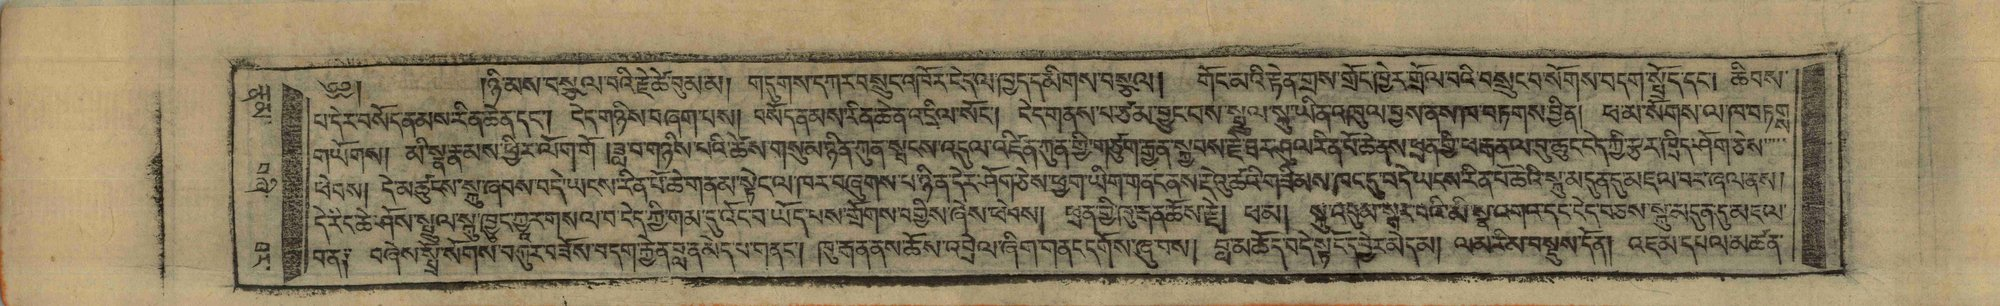༄༅། །ཉི་མས་བསྩལ་བའི་རྗེ་ཚེ་བུམ་མ། གདུགས་དཀར་བསྲུང་འཁོར་ངེད་ལ་ཁྱད་དམིགས་བསྩལ། གོང་མའི་རྟེན་གྲས་གྲོང་ཁྱེར་གྲོལ་བའི་བསྲུང་བ་སོགས་བདག་སྤྲོད་དང་། ཆིབས་
པ་དེར་བསོད་ནམས་རིན་ཆེན་དང་། ངེད་གཉིས་བཞག་པས། བསོད་ནམས་རིན་ཆེན་འདྲིལ་སོང་། ངེད་གནས་པ་ཙམ་བྱུང་བས་སྤྲུལ་སྐུ་ཡིན་འཁུལ་བྱས་ནས་ཁ་བཏགས་བྱིན། ཕ་མ་སོགས་ལ་ཁ་བཏགས་
གཡོགས༑ མི་སྣ་རྣམས་ཕྱིར་ལོག་གོ །ཟླ་བ་གཉིས་པའི་ཚེས་གསུམ་ཉིན་ཀུན་སྤངས་འདུལ་འཛིན་ཀུན་གྱི་གཙུག་རྒྱན་སྐྱབས་རྗེ་ཐར་ཤུལ་རིན་པོ་ཆེ་ནས་ཕྲན་གྱི་ཕ་རྒན་ལ་བུ་ཆུང་ངེད་ཀྱི་རྩར་ཁྲིད་ཤོག་ཅེས་
ཕེབས། དེ་མཚུངས་སྐུ་ཞབས་བདེ་ཡངས་རིན་པོ་ཆེ་གནམ་སྟེང་ལ་ཁར་བཞུགས་པ་ཉིན་དེར་ཤོག་ཅེས་ཕྱག་ཡིག་གནང་ནས་རྡེའུ་ཚའི་གཟིམས་ཁང་དུ་བདེ་ཡངས་རིན་པོ་ཆེའི་སྐུ་མདུན་དུ་མཇལ་བར་ཞལ་ནས།
དེ་རིང་ཆེ་ཤོས་སྤྲུལ་སྐུ་ཁྱུང་ཀྱཱར་གསལ་བ་ངེད་ཀྱི་གམ་དུ་འོང་བ་ཡོད་པས་གྲོགས་བགྱིས་ཞེས་ཕེབས། ཕྲན་གྱི་ཁུ་རྒན་ཆོས་རྗེ། ཕ་མ། སྐུ་འབུམ་སྒར་བའི་མི་སྣ་འགའ་དང་ངེད་བཅས་སྐུ་མདུན་དུ་མཇལ་
བ་ན། བཞེས་སྤྲོ་སོགས་བཀུར་བཟོས་བདག་རྐྱེན་བླ་ན་མེད་པ་གནང་། ཁུ་རྒན་ནས་ཆོས་འབྲེལ་ཞིག་གནང་དགོས་ཞུ་བས། བླ་མཆོད་བདེ་སྟོང་དབྱེར་མེད་མ། ལམ་རིམ་བསྡུས་དོན། འཇམ་དཔལ་མཚན་